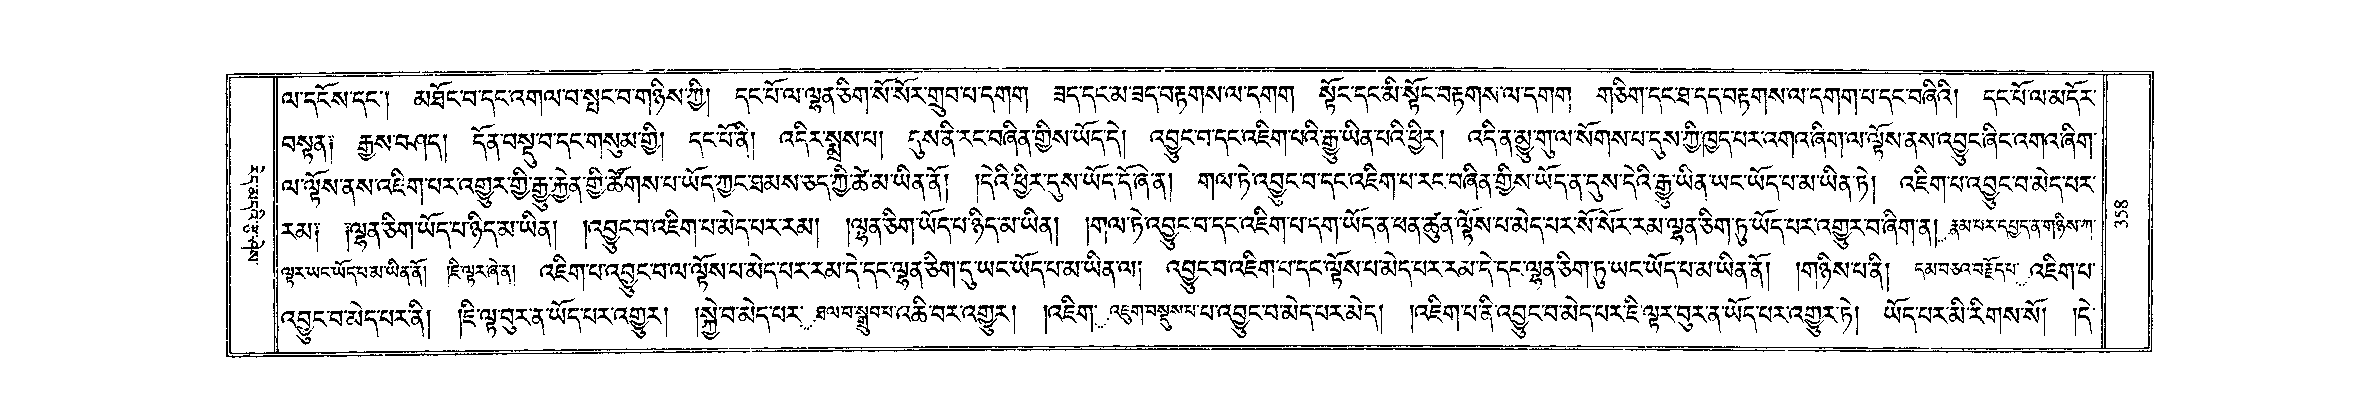ལ་དངོས་དང་། མཐོང་བ་དང་འགལ་བ་སྤང་བ་གཉིས་ཀྱི། དང་པོ་ལྷན་ཅིག་སོ་སོར་གྲུབ་པ་དགག་ཟད་དང་མ་ཟད་བརྟགས་ལ་དགག་སྟོང་དང་མི་སྟོང་བརྟགས་ལ་དགག་གཅིག་དང་ཐ་དད་བརྟགས་ལ་དགག་པ་དང་བཞིའི། དང་པོ་ལ་མདོར་
བསྟན༑ རྒྱས་བཤད། དོན་བསྡུ་བ་དང་གསུམ་གྱི། དང་པོ་ནི། འདིར་སྨྲས་པ། དུས་ནི་རང་བཞིན་གྱིས་ཡོད་དེ། འབྱུང་བ་དང་འཇིག་པའི་རྒྱུ་ཡིན་པའི་ཕྱིར། འདི་ན་མྱུ་གུ་ལ་སོགས་པ་དུས་ཀྱི་ཁྱད་པར་འགའ་ཞིག་ལ་ལྟོས་ནས་འབྱུང་ཞིང་འགའ་ཞིག་
ལ་ལྟོས་ནས་འཇིག་པར་འགྱུར་གྱི་རྒྱུ་རྐྱེན་གྱི་ཚོགས་པ་ཡོད་ཀྱང་ཐམས་ཅད་ཀྱི་ཚེ་མ་ཡིན་ནོ། །དེའི་ཕྱིར་དུས་ཡོད་དོ་ཞེ་ན། གལ་ཏེ་འབྱུང་བ་དང་འཇིག་པ་རང་བཞིན་གྱིས་ཡོད་ན་དུས་དེའི་རྒྱུ་ཡིན་ཡང་ཡོད་པ་མ་ཡིན་ཏེ། འཇིག་པ་འབྱུང་བ་མེད་པར་
རམ༑ ༑ལྷན་ཅིག་ཡོད་པ་ཉིད་མ་ཡིན། །འབྱུང་བ་འཇིག་པ་མེད་པར་རམ། །ལྷན་ཅིག་ཡོད་པ་ཉིད་མ་ཡིན། །གལ་ཏེ་འབྱུང་བ་དང་འཇིག་པ་དག་ཡོད་ན་ཕན་ཚུན་ལྟོས་པ་མེད་པར་སོ་སོར་རམ་ལྷན་ཅིག་ཏུ་ཡོད་པར་འགྱུར་བ་ཞིག་ན། རྣམ་པར་དཔྱད་ན་གཉིས་ཀ་
ལྟར་ཡང་ཡོད་པ་མ་ཡིན་ནོ། །ཇི་ལྟར་ཞེ་ན། འཇིག་པ་འབྱུང་བ་ལ་ལྟོས་པ་མེད་པར་རམ་དེ་དང་ལྷན་ཅིག་དུ་ཡང་ཡོད་པ་མ་ཡིན་ལ། འབྱུང་བ་འཇིག་པ་དང་ལྟོས་པ་མེད་པར་རམ་དེ་དང་ལྷན་ཅིག་ཏུ་ཡང་ཡོད་པ་མ་ཡིན་ནོ། །གཉིས་པ་ནི། དམ་བཅའ་བརྗོད་པ།  འཇིག་པ་
འབྱུང་བ་མེད་པར་ནི། །ཇི་ལྟ་བུར་ན་ཡོད་པར་འགྱུར། །སྐྱེ་བ་མེད་པར་ཐལ་བ་སྒྲུབ་པ་འཆི་བར་འགྱུར། །འཇིག་འཇུག་བསྡུས་པ་པ་འབྱུང་བ་མེད་པར་མེད། །འཇིག་པ་ནི་འབྱུང་བ་མེད་པར་ཇི་ལྟར་བུར་ན་ཡོད་པར་འགྱུར་ཏེ། ཡོད་པར་མི་རིགས་སོ། །དེ་